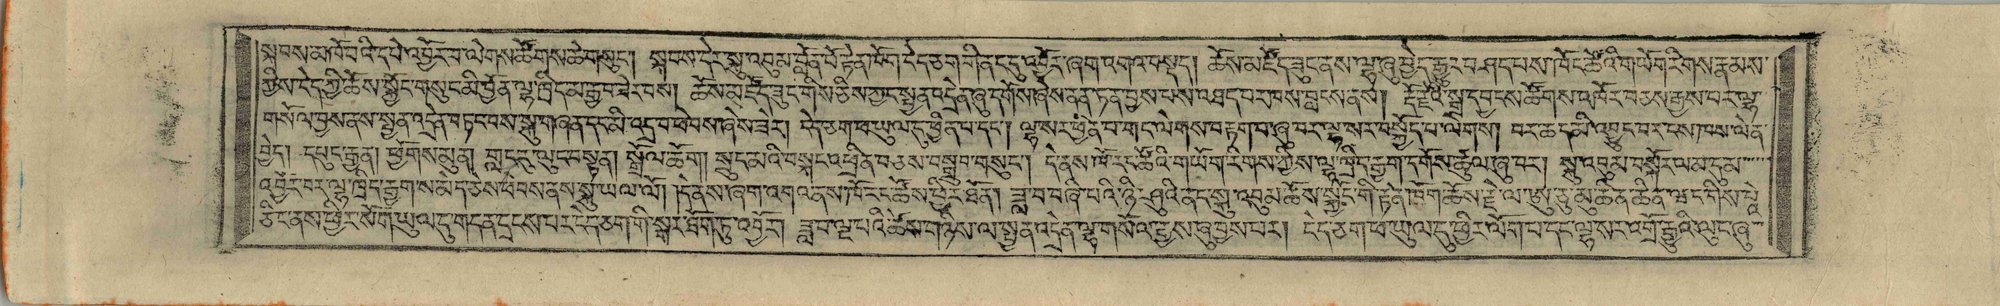སྐབས་མཁོ་བའི་དཔེ་འབྱོར་བ་ལེགས་ཚོགས་ཆེ་གསུང་། སྐབས་དེར་སྐུ་འབུམ་བློན་པོ་རྟེན་ཁོག་ངེད་ཅག་གི་ནང་དུ་འབྱོར་ཞག་འགའ་བསྡད། ཆོས་མཛོད་ཟུང་ནས་ལྷ་ཞུ་བྱེད་རྒྱུར་བཤད་པས་ཁོང་ཚོའི་གཡོག་རིགས་རྣམས་
ཀྱིས་ངེད་ཀྱི་ཆོས་སྐྱོང་གསུང་མི་བྱོན་ལྷ་ཁྲིད་མ་རྒྱབ་ཟེར་བས། ཆོས་མཛོད་ཟུང་གིས་ཅིས་ཀྱང་སྤྱན་འདྲེན་ཞུ་དགོས་ཞེས་ནན་ཏན་བྱས་པས་འཐད་པར་ཁས་བླངས་ནས། རྡོ་རྗེའི་སྒྲ་དབྱངས་ཚོགས་འཁོར་བཅས་རྒྱས་པར་ལྷ་
གསོལ་བྱས་ནས་སྤྱན་འདྲེན་བཏང་བས་སྐུ་གཞན་དང་མི་འདྲ་བ་ཕེབས་ཞེས་ཟེར། ངེད་ཅག་ཕ་ཡུལ་དུ་ཕྱིན་པ་དང་། ལྷ་སར་ཕྱིན་པ་གང་ལེགས་བརྟག་པ་ཞུ་བར་ལྷ་སར་བསྐྱོད་པ་ལེགས། བར་ཆད་མི་འབྱུང་བར་ངས་ཁས་ལེན་
བྱེད། དཔུང་རྒྱན། ཕྱོགས་མུན། གླང་རུ་ལུང་བསྟན། སྒྲོལ་ཆོག །སྲུང་མའི་བསྐང་འཕྲིན་བཅས་བསྒྲུབ་གསུང་། དེ་ནས་ཁོ་རང་ཚོའི་གཡོག་རིགས་ཀྱིས་ལྷ་ཁྲིད་རྒྱག་དགོས་ཚུལ་ཞུ་བར། སྐུ་འབུམ་བསྐོར་ལམ་དུ་མ་
འབྱོར་བར་ལྷ་ཁྲིད་རྒྱག་ས་མེད་ཅེས་ཕེབས་ནས་སྐུ་ཡལ་ལོ། །དེ་ནས་ཞག་འགའ་ནས་ཁོ་རང་ཚོས་ཕྱིར་ཐོན། ཟླ་བ་བཞི་པའི་ཉི་ཤུའི་ནང་སྐུ་འབུམ་ཆོས་སྐྱོང་གི་རྟེན་ཁོག་ཆོས་རྗེ་ལ་ཨུ་ཅུ་མུ་ཆིན་ཆིན་ཝང་གིས་པE་
ཅིང་ནས་ཕྱིར་སོག་ཡུལ་དུ་གདན་དྲངས་པར་ངེད་ཅག་གི་སྒར་ཐོག་ཏུ་འབྱོར། ཟླ་བ་ལྔ་པའི་ཚེས་གཉིས་ལ་སྤྱན་འདྲེན་ལྷ་གསོལ་རྒྱས་ཞུ་བྱས་པར། ངེད་ཅག་ཕ་ཡུལ་དུ་ཕྱིར་ལོག་པ་དང་ལྷ་སར་འགྲོ་རྒྱུའི་ལུང་ཞུ་